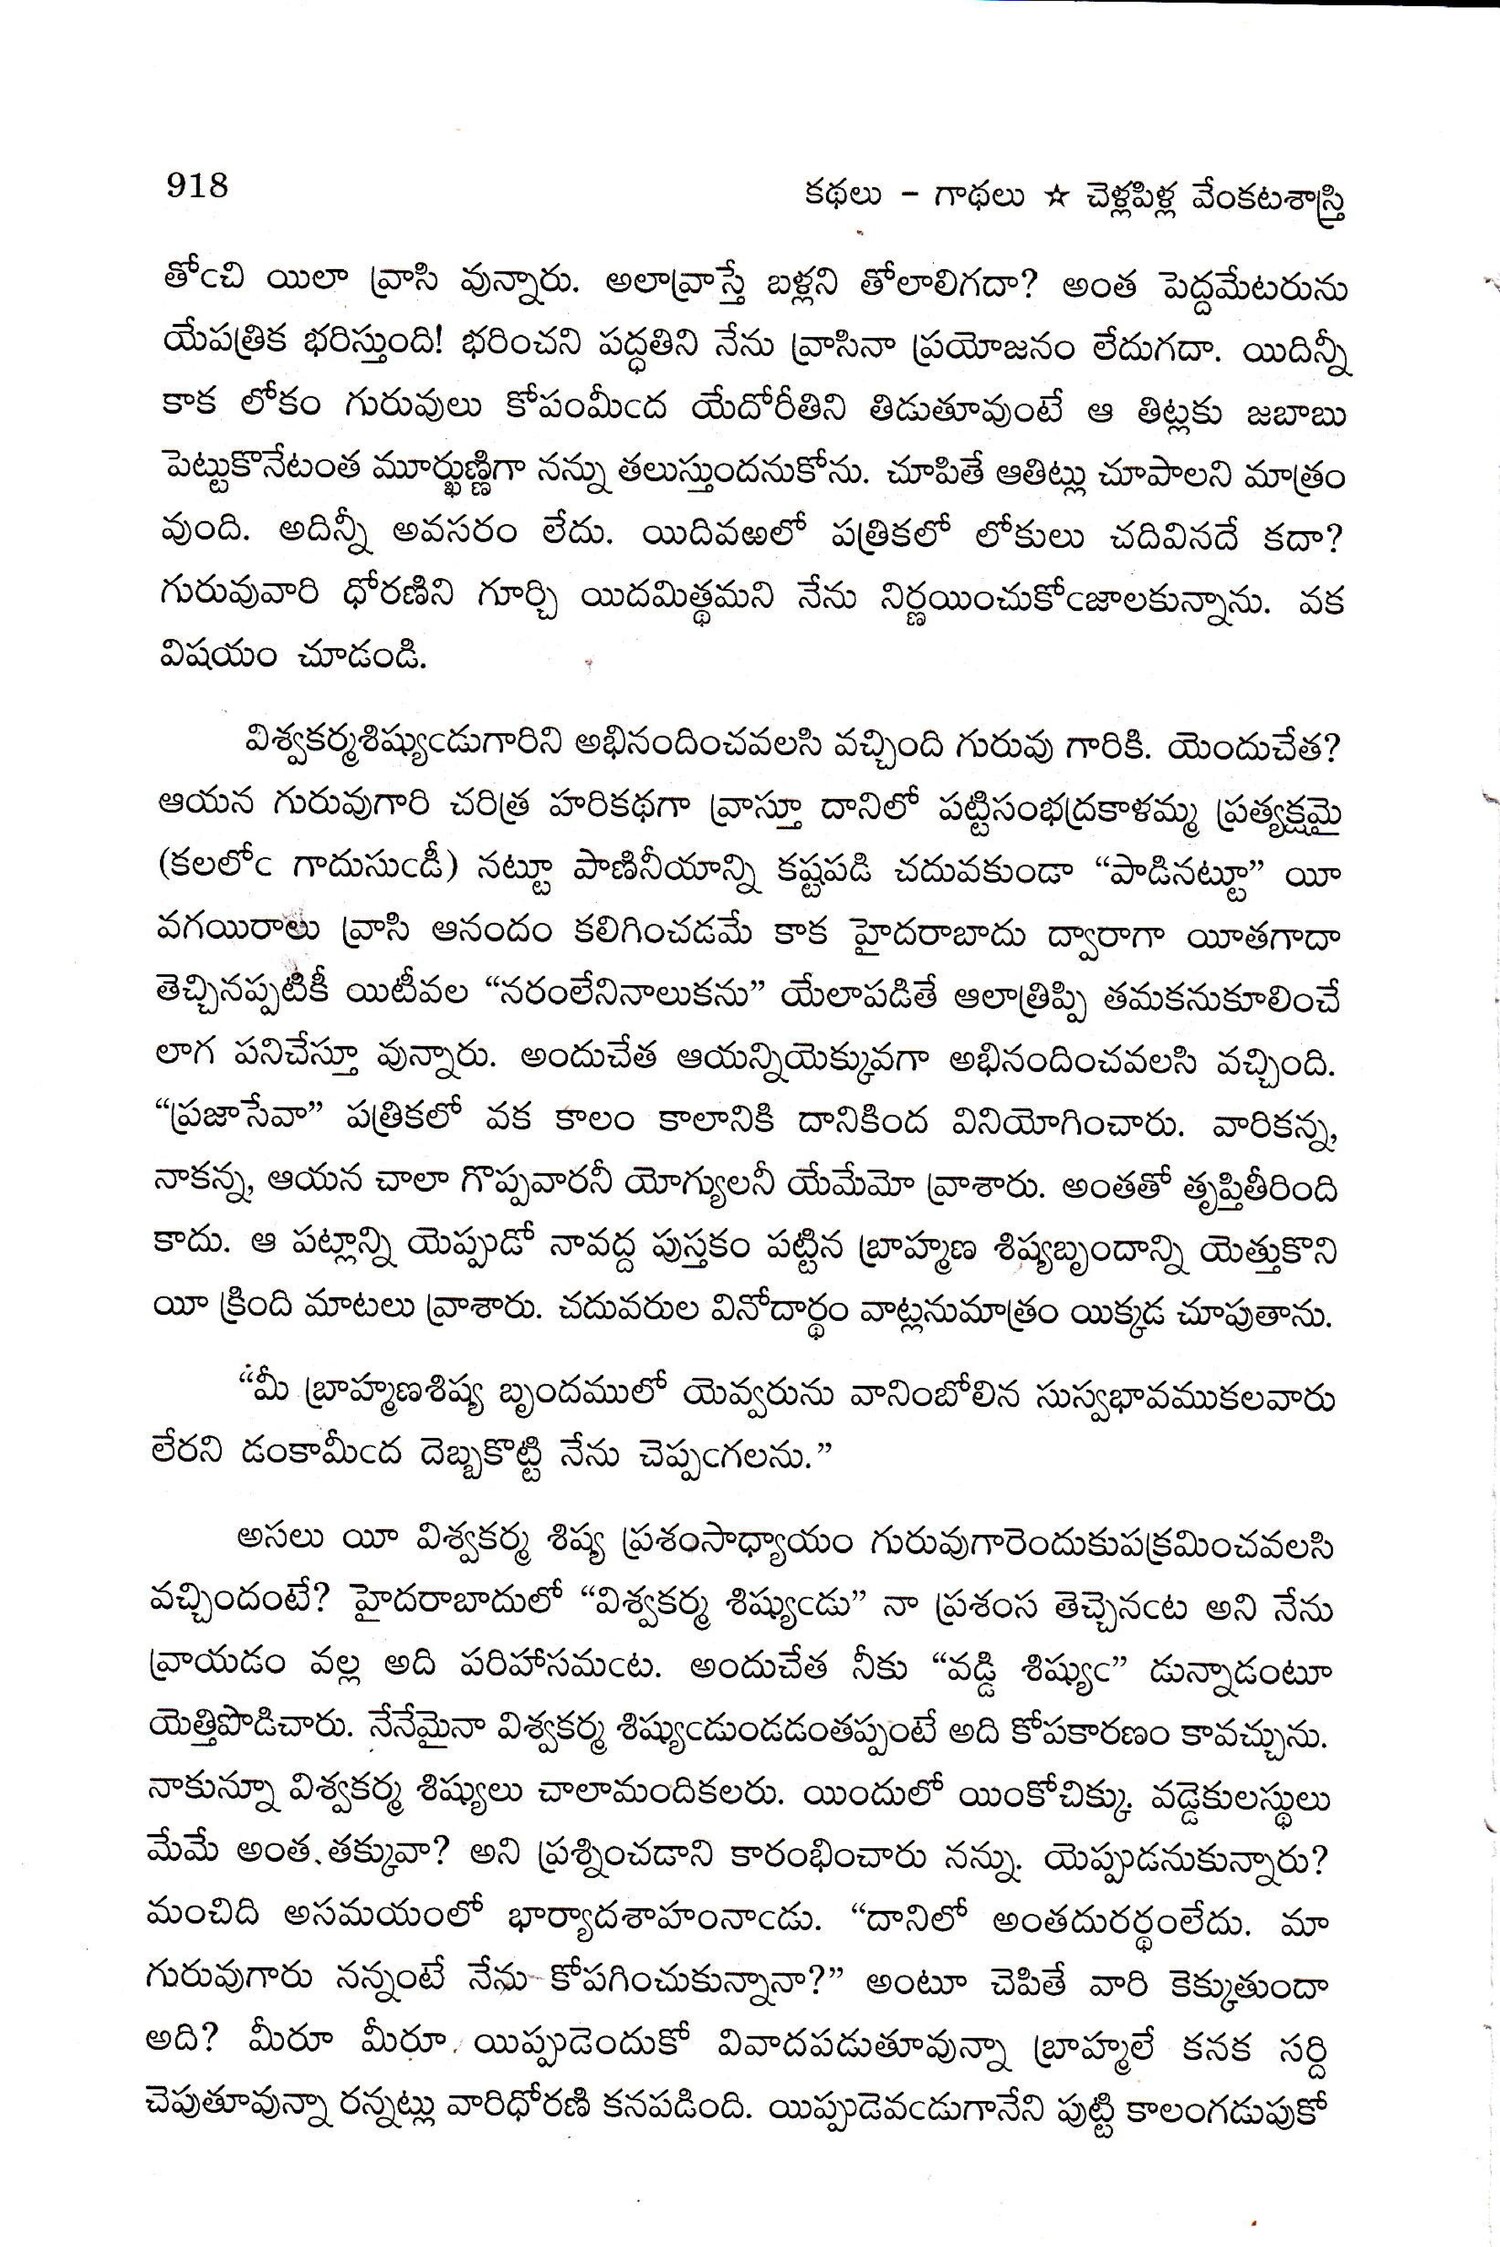తోఁచి యిలా వ్రాసి వున్నారు. అలావ్రాస్తే బళ్లని తోలాలిగదా? అంత పెద్దమేటరును యేపత్రిక భరిస్తుంది! భరించని పద్ధతిని నేను వ్రాసినా ప్రయోజనం లేదుగదా. యిదిన్నీ కాక లోకం గురువులు కోపంమీఁద యేదోరీతిని తిడుతూవుంటే ఆ తిట్లకు జబాబు పెట్టుకొనేటంత మూర్ఖుణ్ణిగా నన్ను తలుస్తుందనుకోను. చూపితే ఆతిట్లు చూపాలని మాత్రం వుంది. అదిన్నీ అవసరం లేదు. యిదివఱలో పత్రికలో లోకులు చదివినదే కదా? గురువువారి ధోరణిని గూర్చి యిదమిత్థమని నేను నిర్ణయించుకోఁజాలకున్నాను. వక విషయం చూడండి.

విశ్వకర్మశిష్యుఁడుగారిని అభినందించవలసి వచ్చింది గురువు గారికి, యెందుచేత? ఆయన గురువుగారి చరిత్ర హరికథగా వ్రాస్తూ దానిలో పట్టిసంభద్రకాళమ్మ ప్రత్యక్షమై (కలలోఁ గాదుసుఁడీ) నట్టూ పాణినీయాన్ని కష్టపడి చదువకుండా "పాడినట్టూ" యీ వగయిరాలు వ్రాసి ఆనందం కలిగించడమే కాక హైదరాబాదు ద్వారాగా యీతగాదా తెచ్చినప్పటికీ యిటీవల “నరంలేనినాలుకను" యేలాపడితే ఆలాత్రిప్పి తమకనుకూలించే లాగ పనిచేస్తూ వున్నారు. అందుచేత ఆయన్నియెక్కువగా అభినందించవలసి వచ్చింది. “ప్రజాసేవా" పత్రికలో వక కాలం కాలానికి దానికింద వినియోగించారు. వారికన్న నాకన్న ఆయన చాలా గొప్పవారనీ యోగ్యులనీ యేమేమో వ్రాశారు. అంతతో తృప్తితీరింది కాదు. ఆ పట్లాన్ని యెప్పుడో నావద్ద పుస్తకం పట్టిన బ్రాహ్మణ శిష్యబృందాన్ని యెత్తుకొని యీ క్రింది మాటలు వ్రాశారు. చదువరుల వినోదార్థం వాట్లను మాత్రం యిక్కడ చూపుతాను.

"మీ బ్రాహ్మణశిష్య బృందములో యెవ్వరును వానింబోలిన సుస్వభావముకలవారు లేరని డంకామీఁద దెబ్బకొట్టి నేను చెప్పఁగలను."

అసలు యీ విశ్వకర్మ శిష్య ప్రశంసాధ్యాయం గురువుగారెందుకుపక్రమించవలసి వచ్చిందంటే? హైదరాబాదులో “విశ్వకర్మ శిష్యుఁడు” నా ప్రశంస తెచ్చెనఁట అని నేను వ్రాయడం వల్ల అది పరిహాసమఁట. అందుచేత నీకు “వడ్డి శిష్యుఁ" డున్నాడంటూ యెత్తిపొడిచారు. నేనేమైనా విశ్వకర్మ శిష్యుఁడుండడంతప్పంటే అది కోపకారణం కావచ్చును. నాకున్నూ విశ్వకర్మ శిష్యులు చాలామందికలరు. యిందులో యింకోచిక్కు వడ్డెకులస్థులు మేమే అంత తక్కువా? అని ప్రశ్నించడాని కారంభించారు నన్ను యెప్పుడనుకున్నారు? మంచిది అసమయంలో భార్యాదశాహంనాఁడు. “దానిలో అంతదురర్థంలేదు. మా గురువుగారు నన్నంటే నేను- కోపగించుకున్నానా?" అంటూ చెపితే వారి కెక్కుతుందా అది? మీరూ మీరూ, యిప్పుడెందుకో వివాదపడుతూవున్నా బ్రాహ్మలే కనక సర్ది చెపుతూవున్నారన్నట్లు వారిథోరణి కనపడింది. యిప్పుడెవఁడుగానేని పుట్టి కాలంగడుపుకో